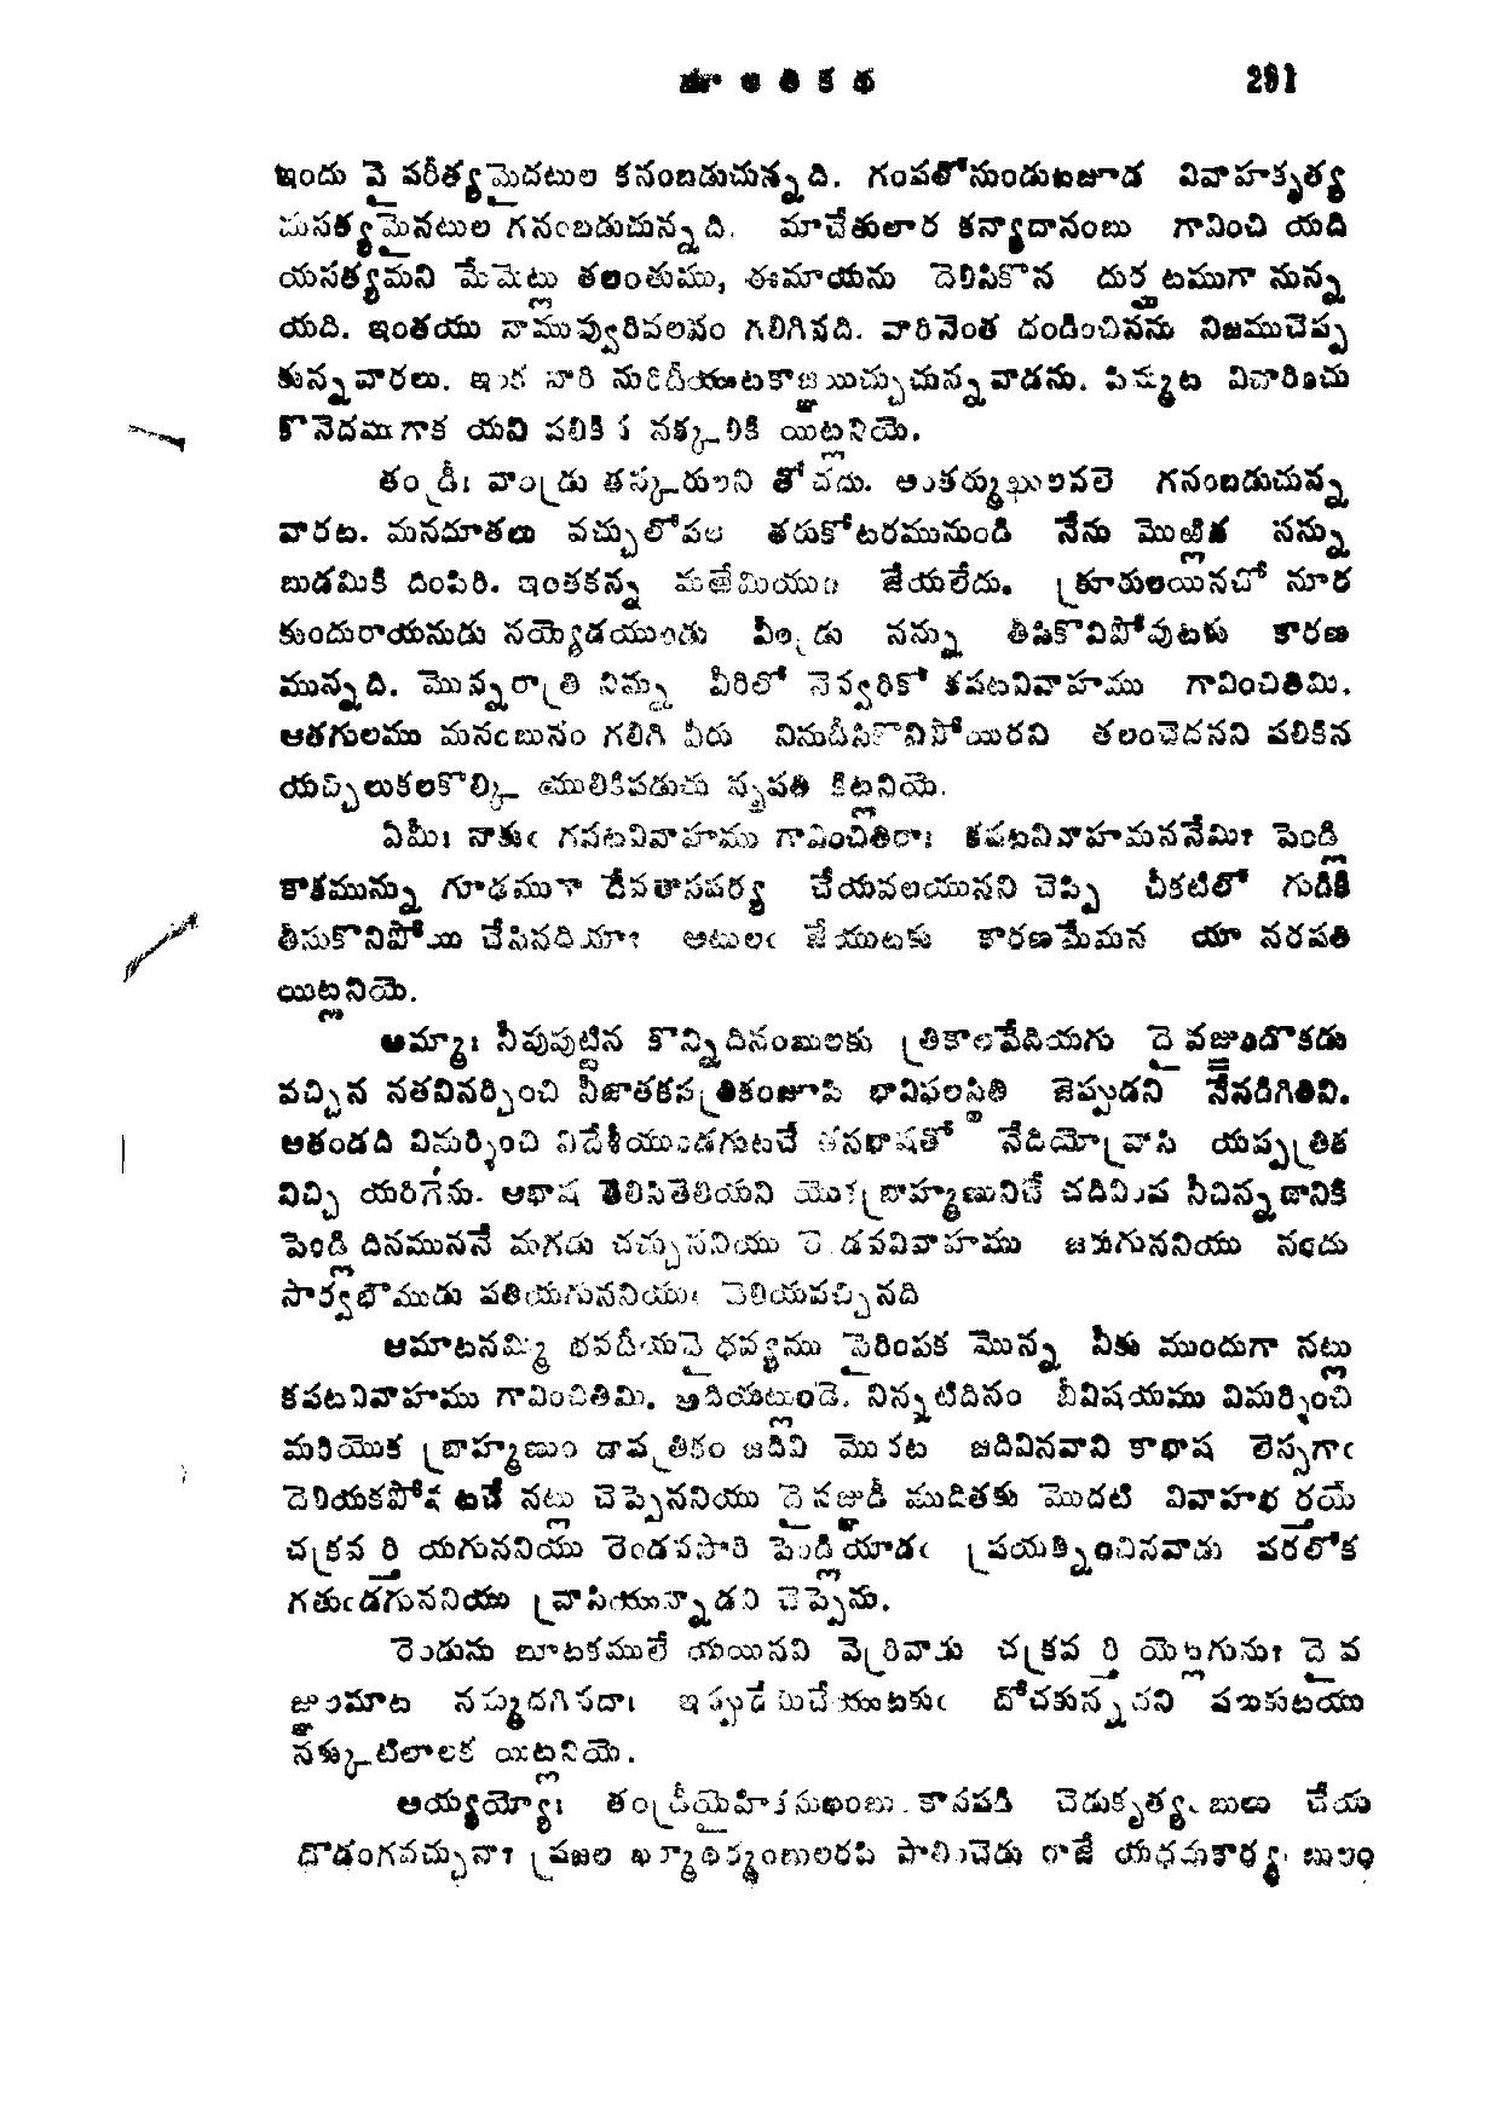ఇందు వైపరీత్య మైదటుల కనంబడుచున్నది. గంపలోనుండుటజూడ వివాహకృత్య మసత్యమైనటుల గనంబడుచున్నది. మాచేతులార కన్యాదానంబు గావించి యది యసత్యమని మేమెట్లు తలంతుము, ఈమాయను దెలిసికొన దుర్ఘటముగా నున్న యది. ఇంతయు నామువ్వురివలనం గలిగినది. వారినెంత దండించినను నిజముచెప్పకున్నవారలు. ఇంక వారి నురిదీయుటకాజ్ఞయిచ్చుచున్న వాడను. పిమ్మట విచారించుకొనెదముగాక యని పలికిన నక్కలికి యిట్లనియె.

తండ్రీ! వాండ్రు తస్కరులని తో చదు. అంతర్ముఖులవలె గనంబడుచున్నవారట. మనదూతలు వచ్చులోపల తరుకోటరమునుండి నేను మొఱ్లిన నన్ను బుడమికి దింపిరి. ఇంతకన్న మఱేమియుం జేయలేదు. క్రూరులయినచో నూరకుందురాయనుడు నయ్యెడయుండు వీండ్రు నన్ను తీసికొనిపోవుటకు కారణ మున్నది. మొన్నరాత్రి నిన్ను వీరిలో నెవ్వరికో కపటవివాహము గావించితిమి. ఆతగులము మనంబునం గలిగి వీరు నినుదీసికొనిపోయిరని తలంచెదనని పలికిన యచ్చిలుకలకొల్కి యులికిపడుచు నృపతి కిట్లనియె.

ఏమీ! నాకుఁ గపటవివాహము గావించితిరా? కపటవివాహమననేమి? పెండ్లి కాకమున్ను గూఢముగా దేవతాసపర్య చేయవలయునని చెప్పి చీకటిలో గుడికి తీసుకొనిపోయి చేసినదియా ? అటులఁ జేయుటకు కారణమేమన యా నరపతి యిట్లనియె.

అమ్మా! నీవుపుట్టిన కొన్ని దినంబులకు త్రికాలవేదియగు దైవజ్ఞుండొకడు వచ్చిన నతనినర్చించి నీజాతకపత్రికంజూపి భావిఫలస్థితి జెప్పుడని నేనడిగితిని. ఆతండది విమర్శించి విదేశీయుండగుటచే తనభాషతో నేదియోవ్రాసి యప్పత్రిక నిచ్చి యడిగెను. ఆభాష తెలిసితెలియని యొక బ్రాహ్మణునిచే చదివింప నీచిన్నదానికి పెండ్లి దినముననే మగడు చచ్చు ననియు రెండవవివాహము జరుగుననియు నందు సార్వభౌముడు పతియగుననియుఁ దెలియవచ్చినది.

ఆమాటనమ్మి భవదీయవైధవ్యము సైరింపక మొన్న నీకు ముందుగా నట్లు కపటవివాహము గావించితిమి. అదియట్లుండె. నిన్నటిదినం బీవిషయము విమర్శించి మరియొక బ్రాహ్మణుం డాపత్రికం జదివి మొదట జదివినవాని కాభాష లెస్సగాఁ దెలియకపోవుటచే నట్లు చెప్పెననియు దైవజ్ఞుడీ ముదితకు మొదటి వివాహభర్తయే చక్రవర్తి యగుననియు రెండవసారి పెండ్లియాడఁ ప్రయత్నించినవాడు పరలోక గతుఁడగుననియు వ్రాసియున్నాడని చెప్పెను.

రెండును బూటకములే యయినవి వెర్రివాడు చక్రవర్తి యెట్లగును? దైవజ్ఞులమాట నమ్మదగినదా! ఇప్పు డేమి చేయుటకుఁ దోచకున్నదని పలుకుటయు నక్కుటిలాలక యిట్లనియె.

అయ్యయ్యో! తండ్రి యైహికసుఖంబుల కాసపడి చెడుకృత్యంబులు చేయ దొడంగవచ్చునా? ప్రజల ధర్మాధర్మంబులరసి పాలించెడు రాజే యధమకార్యంబులం